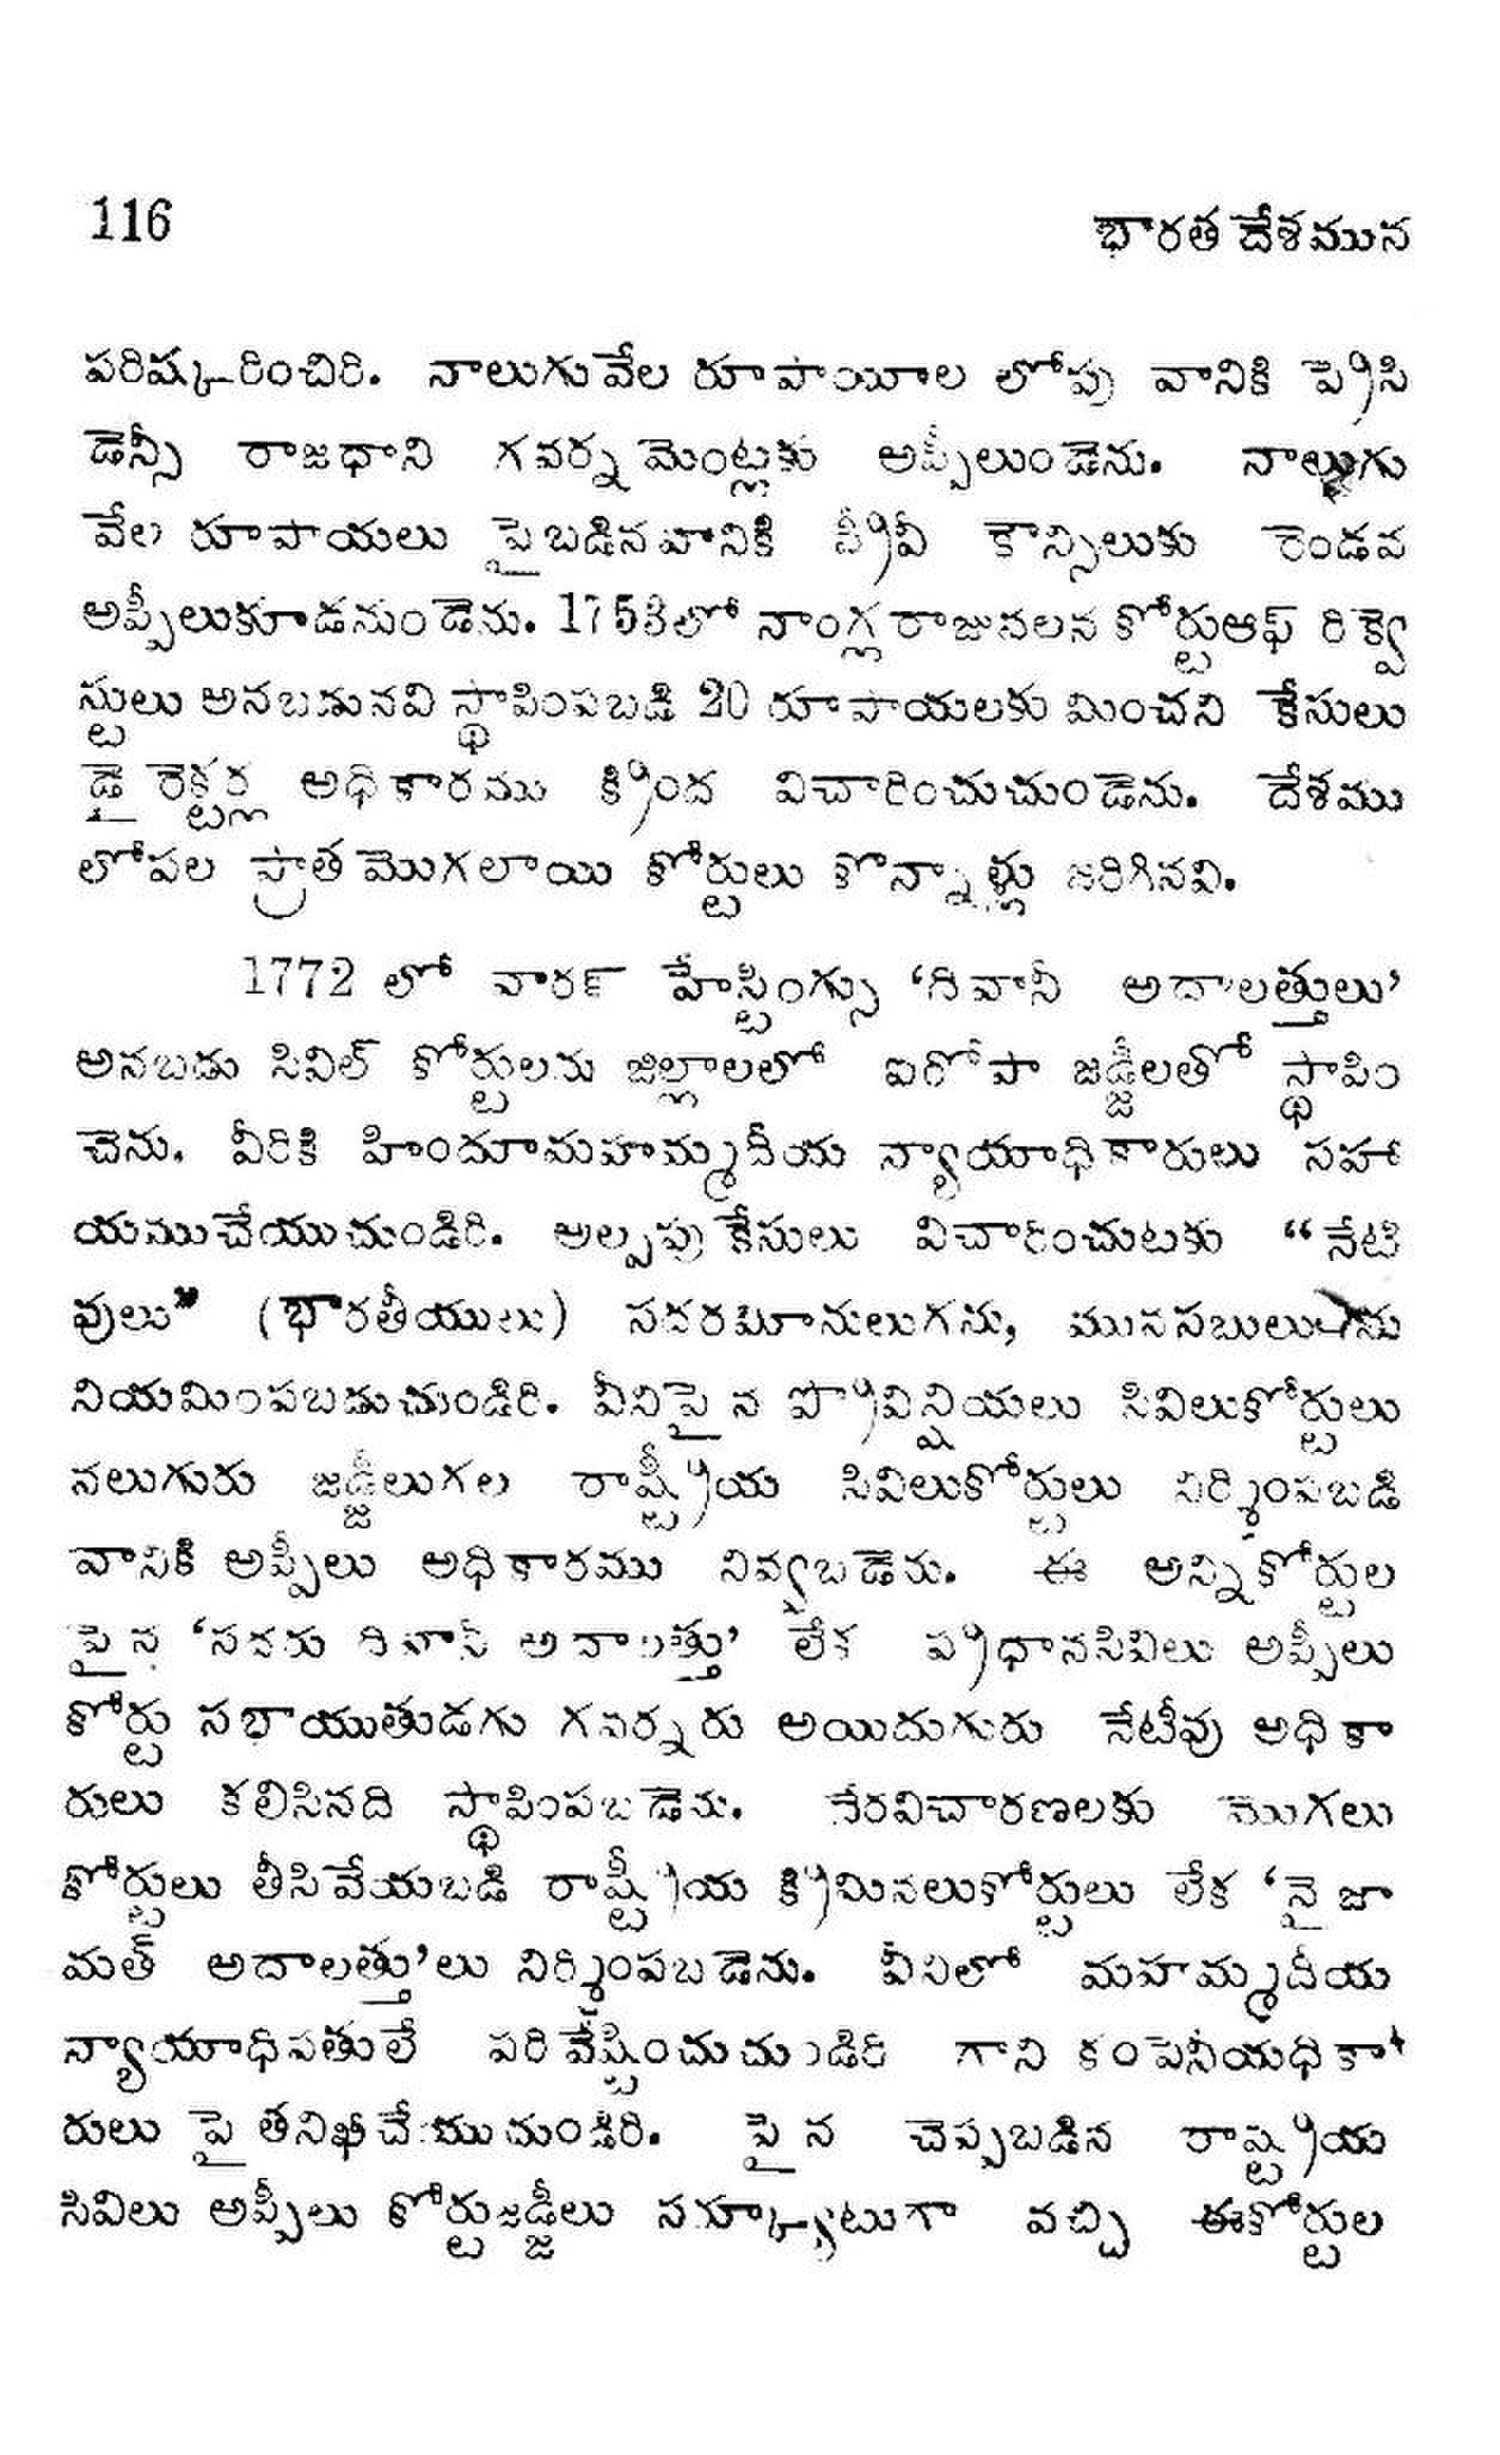పరిష్కరించిరి. నాలుగువేల రూపాయల లోపు వానికి ప్రెసిడెన్సీ రాజధాని గవర్నమెంట్లకు అప్పీలుండెను. నాలుగువేల రూపాయలు పైబడిన వానికి ప్రీవీ కౌన్సిలుకు రెండవ అప్పీలుకూడనుండెను. 1753లో నాంగ్లరాజువలన కోర్టుఆఫ్ రిక్వెస్టులు అనబడునవి స్థాపింపబడి 20 రూపాయలకు మించని కేసులు డైరెక్టర్ల అధికారము క్రింద విచారించుచుండెను. దేశములోపల ప్రాతమొగలాయి కోర్టులు కొన్నాళ్లు జరిగినవి.

1772 లో వార౯ హేస్టింగ్సు 'దివానీ అదాలత్తులు' అనబడు సివిల్ కోర్టులను జిల్లాలలో ఐరోపా జడ్జీలతో స్థాపించెను. వీరికి హిందూమహమ్మదీయ న్యాయాధికారులు సహాయముచేయుచుండిరి. అల్పపుకేసులు విచారించుటకు "నేటివులు" (భారతీయులు) సదరమీనులుగను, మునసబులుగను నియమింపబడుచుండిరి. వీనిపైన ప్రొవిన్షియలు సివిలుకోర్టులు నలుగురు జడ్జీలుగల రాష్ట్రీయ సివిలుకోర్టులు నిర్మింపబడి వానికి అప్పీలు అధికారము నివ్వబడెను. ఈ అన్నికోర్టులపైన 'సదరు దివానీ అదాలత్తు' లేక ప్రధానసివిలు అప్పీలుకోర్టు సభాయుతుడగు గవర్నరు అయిదుగురు నేటివు అధికారులు కలిసినది స్థాపింపబడెను. నేరవిచారణలకు మొగలు కోర్టులు తీసివేయబడి రాష్ట్రీయ క్రిమినలుకోర్టులు లేక 'నైజామత్ అదాలత్తు'లు నిర్మింపబడెను. వీనిలో మహమ్మదీయ న్యాయాధిపతులే పరివేష్టించుచుండిరి గాని కంపెనీయధికారులు పై తనిఖీచేయుచుండిరి. పైన చెప్పబడిన రాష్ట్రీయ సివిలు అప్పీలు కోర్టుజడ్జీలు సర్క్యూటుగా వచ్చి ఈకోర్టుల